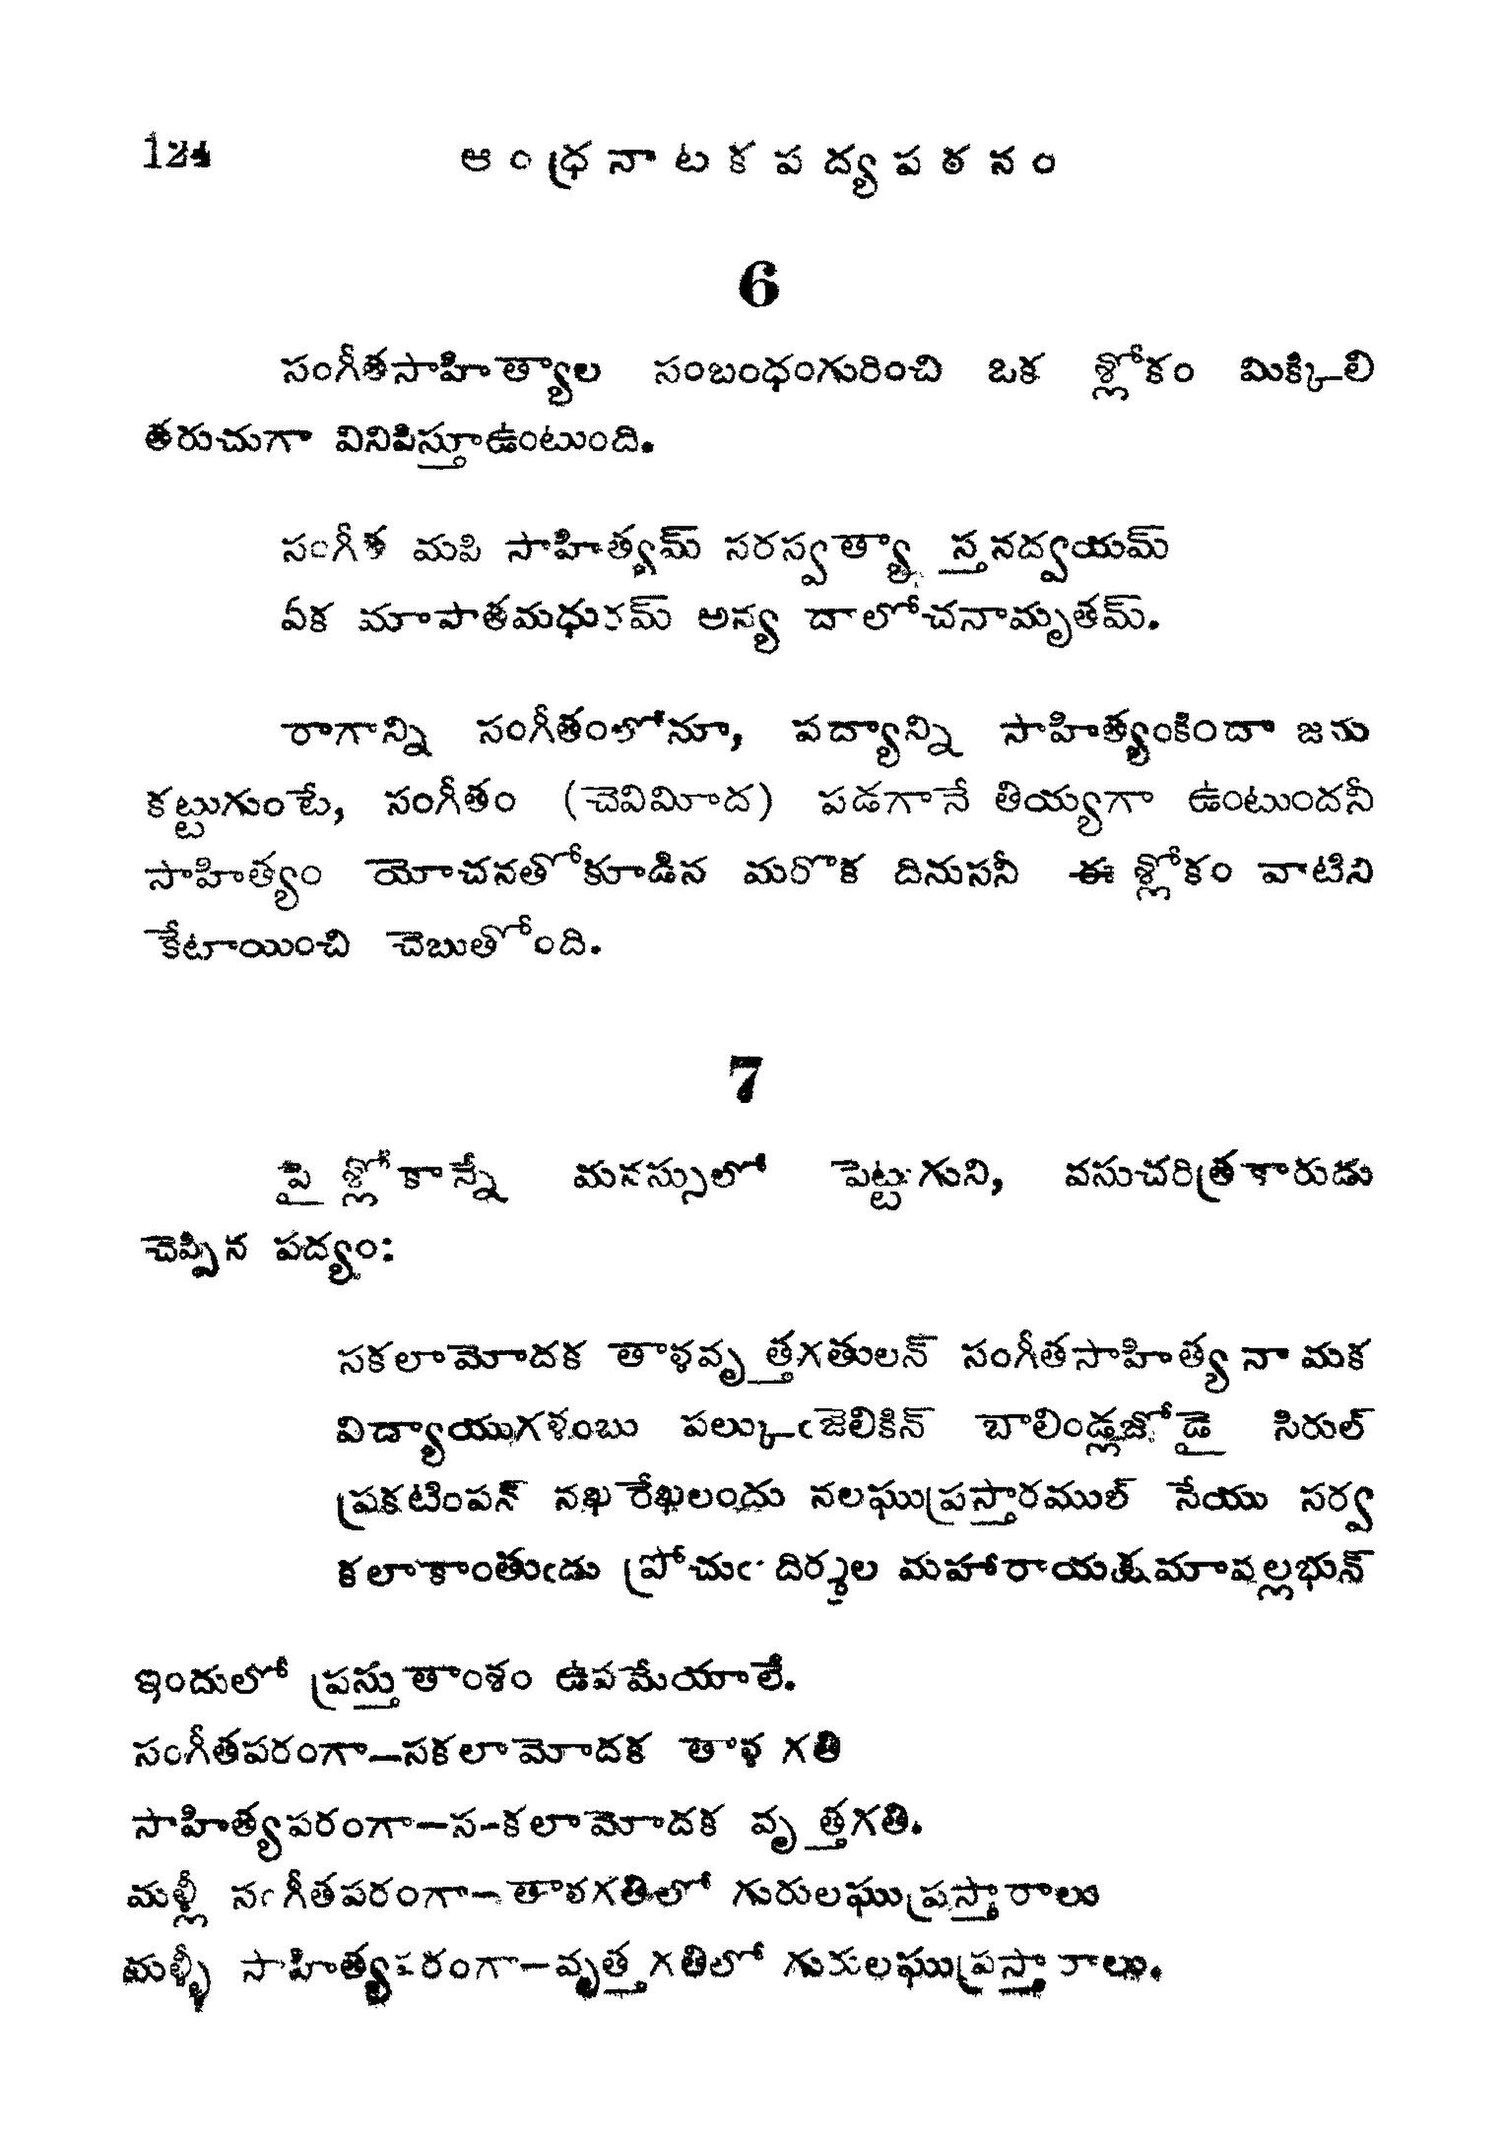6

సంగీతసాహిత్యాల సంబంధంగురించి ఒక శ్లోకం మిక్కిలి
తరుచుగా వినిపిస్తూ ఉంటుంది.

సంగీత మపి సాహిత్యమ్ సరస్వత్యా స్తనద్వయమ్
ఏక మాపాతమధురమ్ అన్య దాలోచనామృతమ్.

రాగాన్ని సంగీతంలోనూ, పద్యాన్ని సాహిత్యంకిందా జమ
కట్టుగుంటే, సంగీతం (చెవిమీద) పడగానే తియ్యగా ఉంటుందనీ
సాహిత్యం యోచనతోకూడిన మరొక దినుసనీ ఈ శ్లోకం వాటిని
కేటాయించి చెబుతోంది.

7

పై శ్లోకాన్నే మనస్సులో పెట్టుగుని, వసుచరిత్రకారుడు
చెప్పిన పద్యం:

సకలామోదక తాళవృత్తగతులన్ సంగీతసాహిత్య నా మక
విద్యాయుగళంబు పల్కుఁజెలికిన్ బాలిండ్లజోడై సిరుల్
ప్రకటింపన్ నఖ రేఖలందు నలఘుప్రస్తారముల్ సేయు సర్వ
కలాకాంతుఁడు ప్రోచుఁ దిర్మల మహారాయక్షమావల్లభున్

ఇందులో ప్రస్తుతాంశం ఉపమేయాలే.

సంగీతపరంగా - సకలామోదక తాళ గతి

సాహిత్యపరంగా-స-కలామోదక వృత్తగతి.

మళ్లీ సంగీతపరంగా - తారగతిలో గురులఘుప్రస్తారాలు

మళ్ళీ సాహిత్యపరంగా– వృత్తగతిలో గురులఘుప్రస్తారాలు,